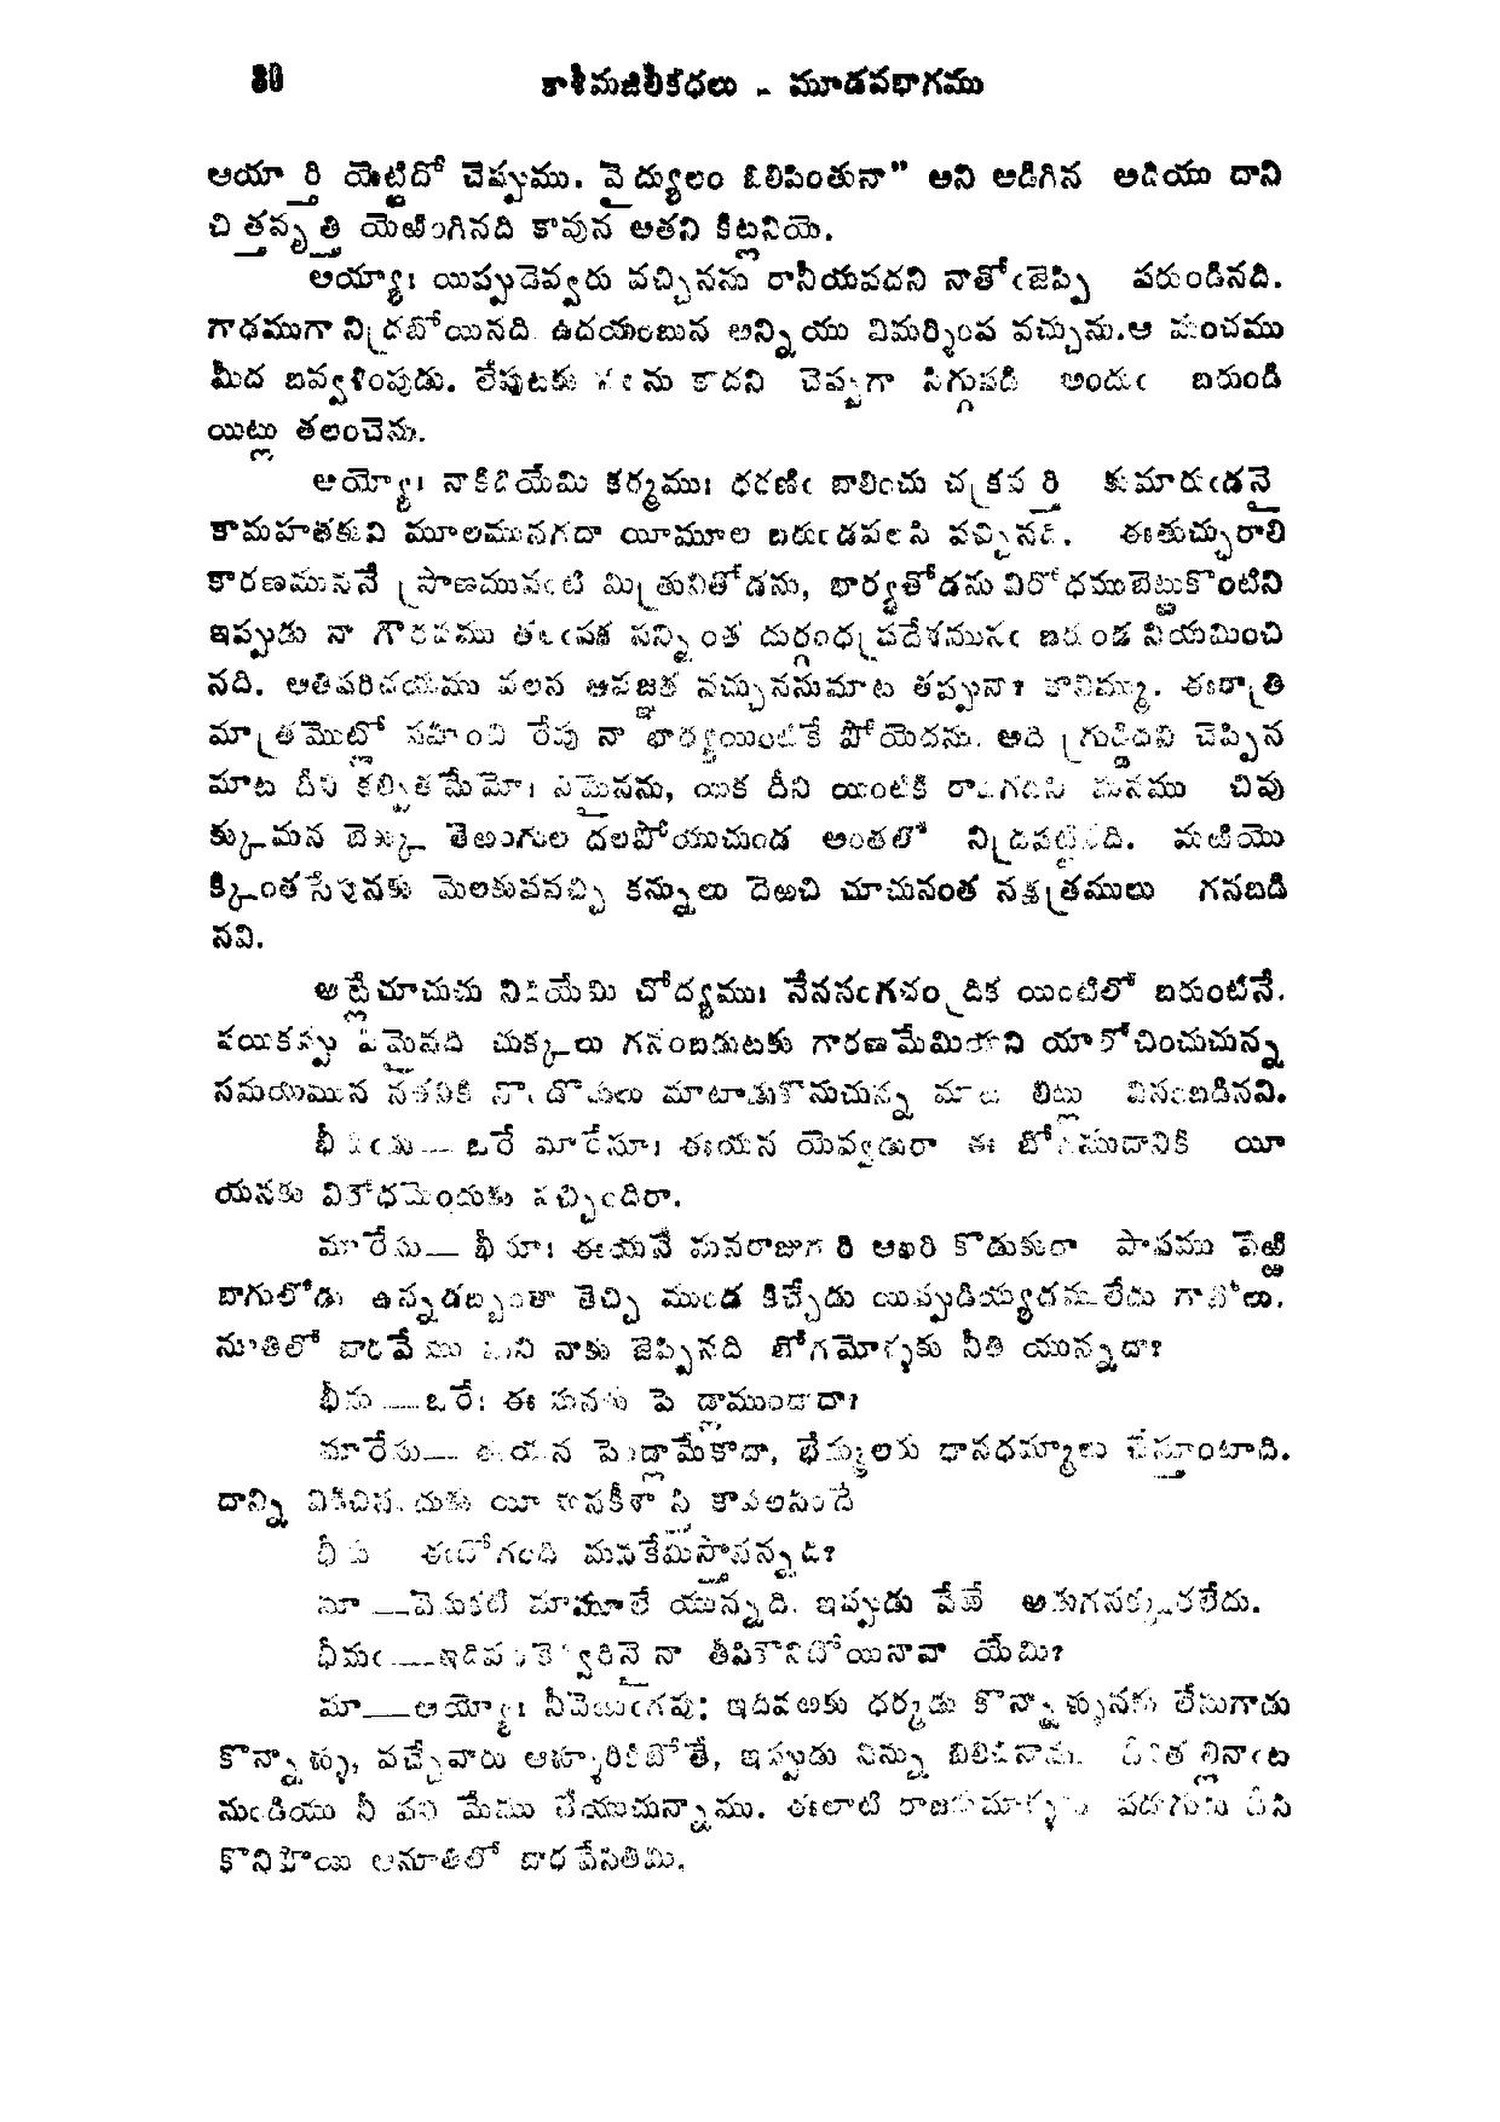ఆయార్తి యెట్టిదో చెప్పుము. వైద్యులం బిలిపింతునా" అని అడిగిన అదియు దాని చిత్తవృత్తి యెఱింగినది కావున అతని కిట్లనియె.

అయ్యా! యిప్పుడెవ్వరు వచ్చినను రానీయవద్దని నాతోఁ జెప్పి పరుండినది. గాఢముగా నిద్రబోయినది. ఉదయంబున అన్నియు విమర్శింపవచ్చును. ఆ మంచముమీద బవ్వళింపుడు. లేపుటకు వలను కాదని చెప్పగా సిగ్గుపడి అందుఁ బరుండి యిట్లు తలంచెను.

అయ్యో! నాకిదియేమి కర్మము! ధరణిఁ బాలించు చక్రవర్తి కుమారుఁడనై కామహతకుని మూలమునగదా యీమూల బరుండవలసి వచ్చినది. ఈతుచ్ఛురాలికారణముననే ప్రాణమువంటి మిత్రునితోడను, భార్యతోడను విరోధముబెట్టుకొంటిని ఇప్పుడు నా గౌరవము తలఁపక నన్నింత దుర్గంధప్రదేశమునఁ బరుండ నియమించినది. అతిపరిచయము వలన అపజ్ఞత వచ్చుననుమాట తప్పునా? కానిమ్ము. ఈరాత్రి మాత్ రమెట్లో సహించి రేపు నా భార్యయింటికే పోయెదను. అది గ్రుడ్డిదని చెప్పిన మాట దీని కల్పితమేమో! ఏమైనను, యిక దీని యింటికి రాదగదని మనము చివుక్కుమన బెక్కుతెఱంగుల దలపోయుచుండ అంతలో నిద్రపట్టినది. మఱియొక్కింతసేపునకు మెలకువ వచ్చి కన్నులు దెఱచి చూచునంత నక్షత్రములు గనబడినవి.

అట్లే చూచుచు నిది యేమి చోద్యము! నే ననంగచంద్రిక యింటిలో బరుంటినే. పయికప్పు ఏమైనది చుక్కలు గనంబడుటకు గారణమేమియని యాలోచించుచున్న సమయమున నతనికి నొండొరులు మాటాడుకొనుచున్న మాట లిట్లు వినంబడినవి.

భీరుఁడు - ఒరే మారేసూ! ఈయన యెవ్వడురా ఈ బోగముదానికి యీయనకు విరోధమెందుకు వచ్చిందిరా.

మారేసు - భీమా! ఈయనే మనరాజుగారి ఆఖరికొడుకురా పాపము వెఱ్ఱిబాగులోడు ఉన్నడబ్బంతా తెచ్చి ముండ కిచ్చేడు యిప్పుడియ్యడములేదు గాబోలు. నూతిలో బారవేయు మని నాకు జెప్పినది బోగమోళ్ళకు నీతి యున్నదా?

బీమ - ఒరే: ఈ యనకు పెండ్లాముండాదా?

మారేసు - ఈయన పెండ్లామేకాదా, భేమ్మలకు ధానధమ్మాలు చేస్తూంటాది. దాన్ని విడిచినందుకు యీయన కీశాస్తి కావలసిందే

భీమ - ఈబోగంది మన కే మిస్తానన్నది?

మా - వెనుకటి మామూలే యున్నది. ఇప్పుడు వేఱే అడుగనక్కరలేదు.

భీమఁ - ఇదివర కెవ్వరినైనా నా తీసికొనిబోయినావా యేమి?

మా - ఆయ్యో! నీవెఱుఁగవు: ఇదివఱకు ధర్మడు కొన్నాళ్ళునకు లేసుగాడు కొన్నాళ్ళు వచ్చేవారు ఆళ్ళూరికి బోతే ఇప్పుడు నిన్ను బిలిచినాను. దీనితల్లినాఁట నుండియు నీ పని మేము చేయుచున్నాము. ఈలాటి రాజకుమాళ్ళకు పదురుగు దీసికొనిపోయి ఆనూతిలో బారవేసితిమి.